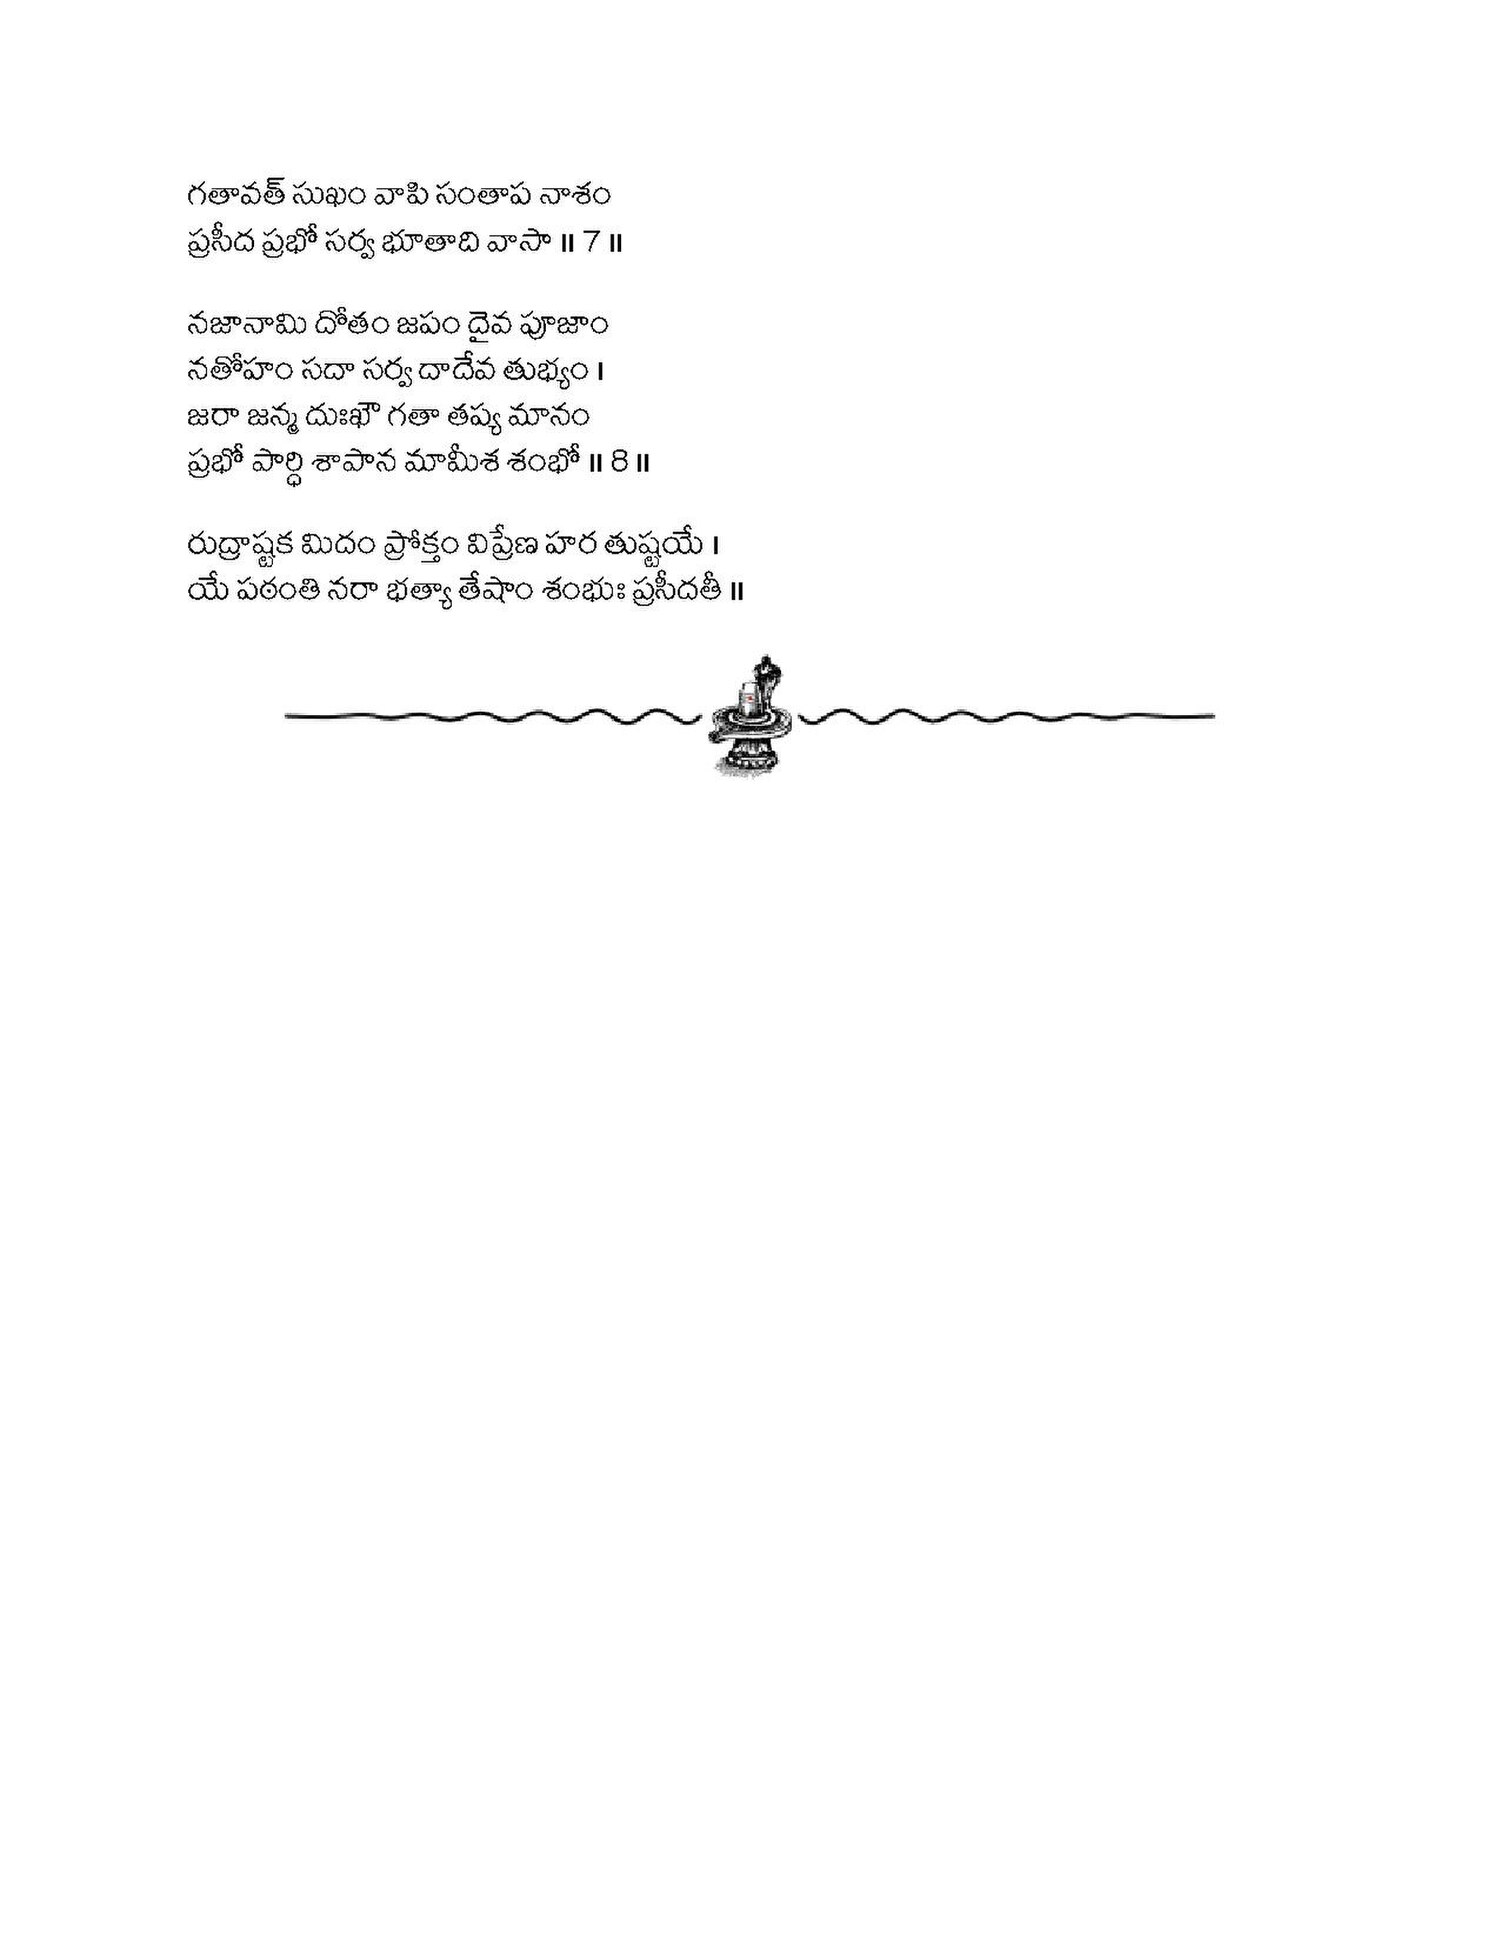గతావత్ సుఖం వాపి సంతాప నాశం
ప్రసీద ప్రభో సర్వ భూతాది వాసా || 7 ||

నజానామి దోతం జపం దైవ పూజాం
నతోహం సదా సర్వదాదేవ తుభ్యం |
జరా జన్మ దుఃఖౌ గతా తప్య మానం
ప్రభో పార్ధి శాపాన మామీశ శంభో ||8||

రుద్రాష్టక మిదం ప్రోక్తం విప్రేణ హర తుష్టయే |
యే పఠంతి నరా భక్త్యా తేషాం శంభుః ప్రసీదతీ ||